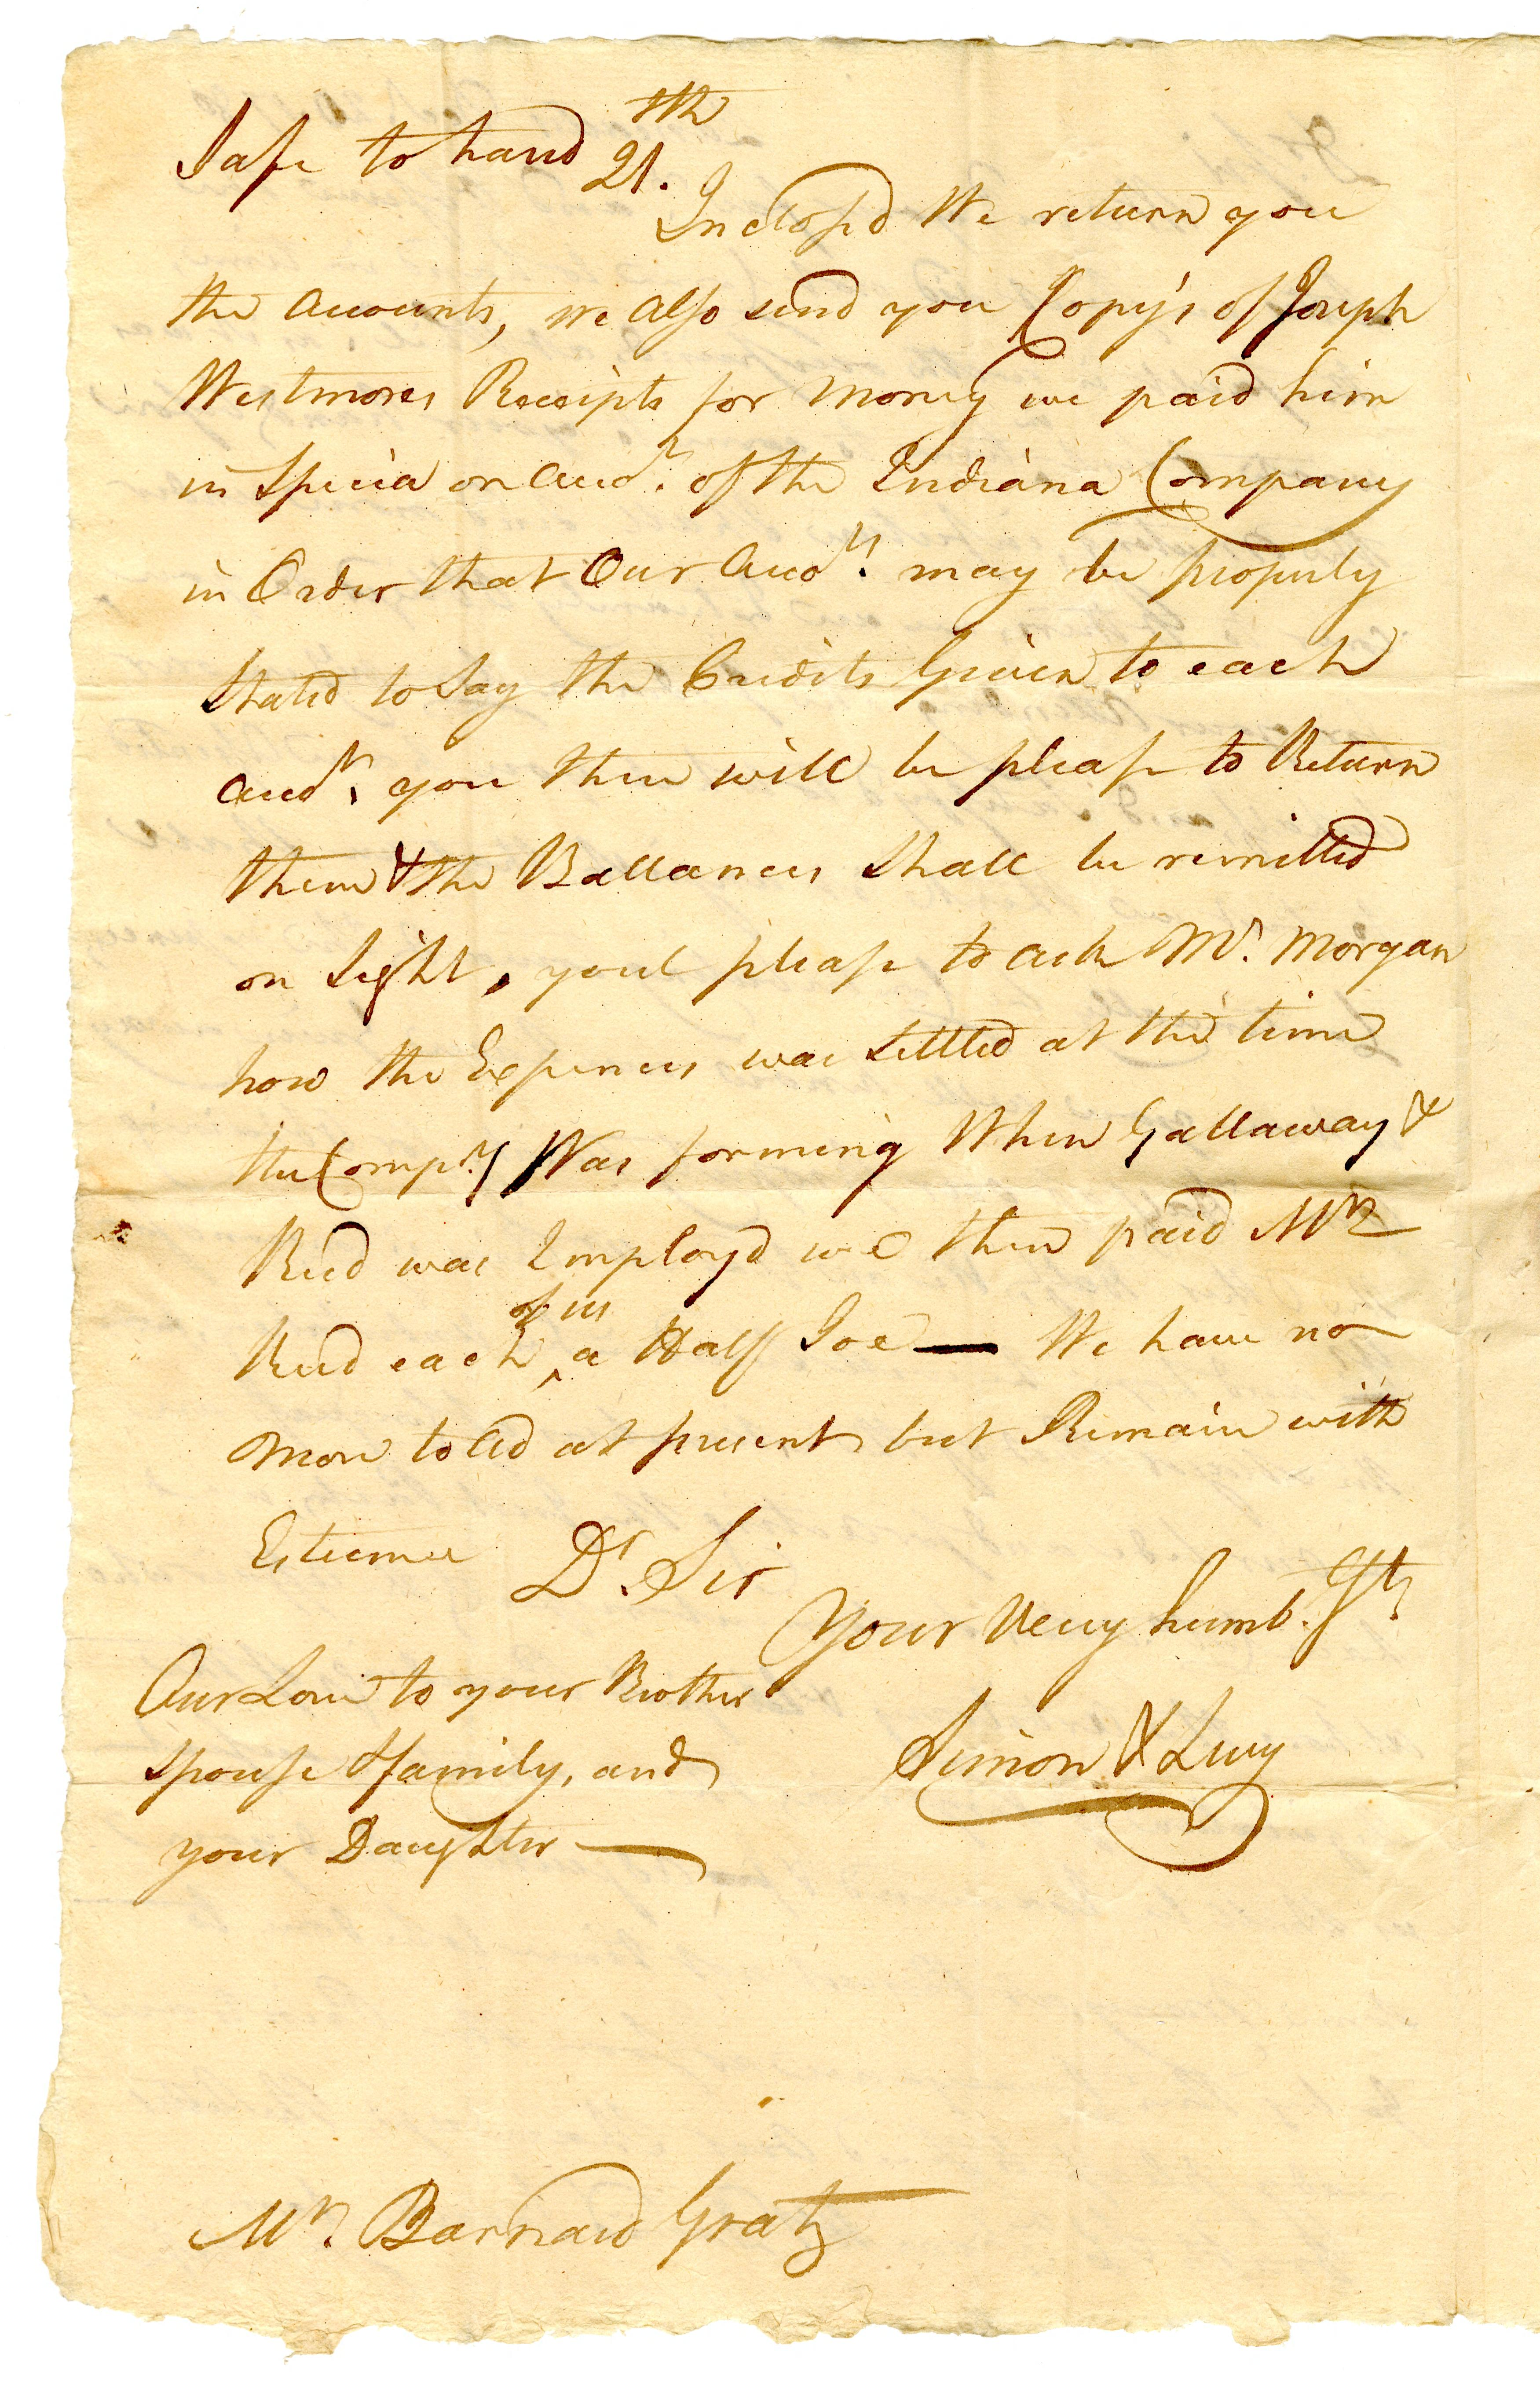Safe to hand 21^th.
Inclosd We return you
the Accounts, we also send you Copy's of Joseph
Westmores Receipts for money we paid him
in special on acco^t. of the Indiana Company
in Order that Our Acco^t. may be properly
Stated to Say the credits Given to each
acco^t. you there will be please to Return
themhs Ballances Shall be remitted
on Sight, youl please to ask M^r. Morgan
how the Expences was settled at the time
the Com^y. was forming When Gallaway &
Reed was Employd we then paid M^r
Reet each a Half Joe- We have no
of us
more to Ad at present but Remain with
Esteeme
D^r. Sir
Your very humb. S^t
Simon & Levy
Our Love to your Brother
Spouse & family, and
your Daughter
M^r Barnard Gratz